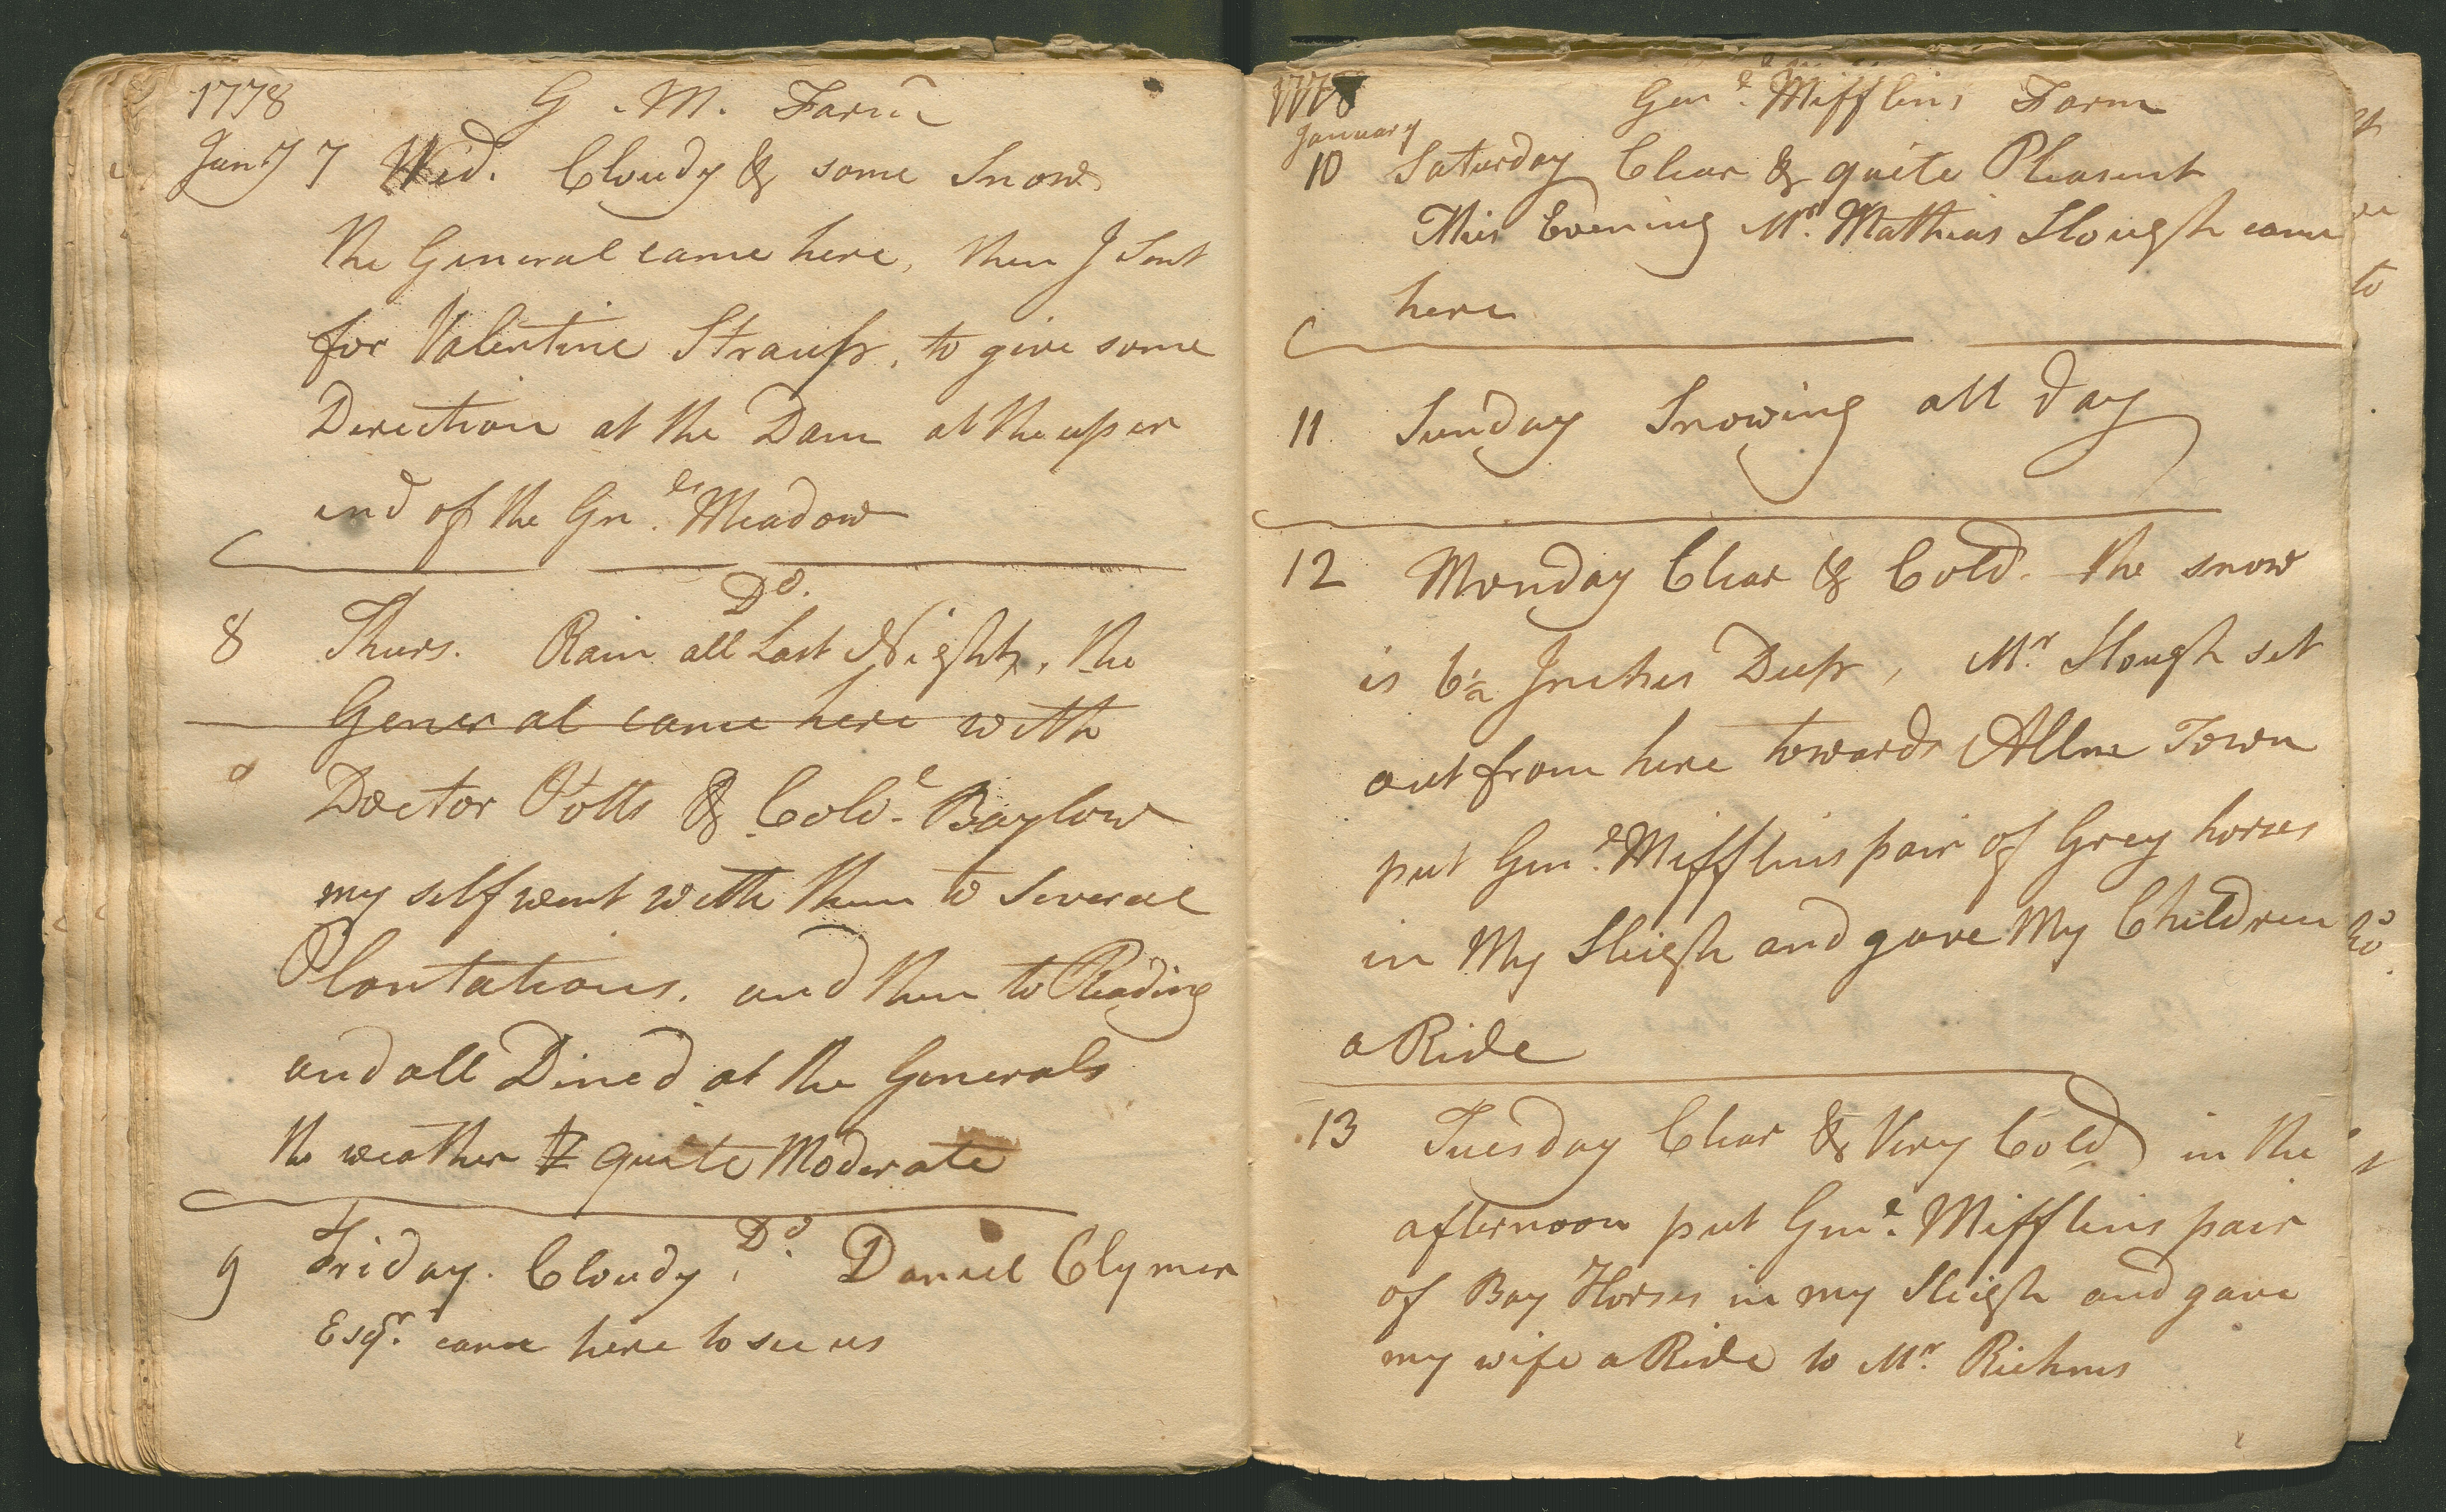1778
G. M. Farm
Jan^y 7 Wed. Cloudy & some Snow.
The General came here, then I sent
for Valentine Straup to give some
Direction at the Dam at the uper
ind of the Gn^l. Meadow
D^o.
8 Thurs. Rain all Last Night, the
Gener al came here with
Doctor Potts & Colo^l. Baylow
my self went with them to Several
Plantations, and there to Reading
and all Dined at the Generals
the weather [V] quite Moderate
D^o.
9 Friday. Cloudy. Daniel Clymer
Esq^r. came here to see us
Gen^l. Mifflins Farm
1778
January
10 Saturday Clear & quite Pleasent
this Evening M^r. Mathias Slough came
here
11. Sunday Snowing all day
12 Monday Clear & Cold. the snow
is 6 1/2 Inches Deep, M^r. Slough set
out from here towards Allne Town
put Gen^l. Mifflins pair of Grey horses
in My Sleigh and gave My Children
a Ride
13 Tuesday Clear & Very Cold in the
afternoon put Gen^l. Mifflins pair
of Bay Horses in my Sleigh and gave
my wife a Ride to M^r. Richms